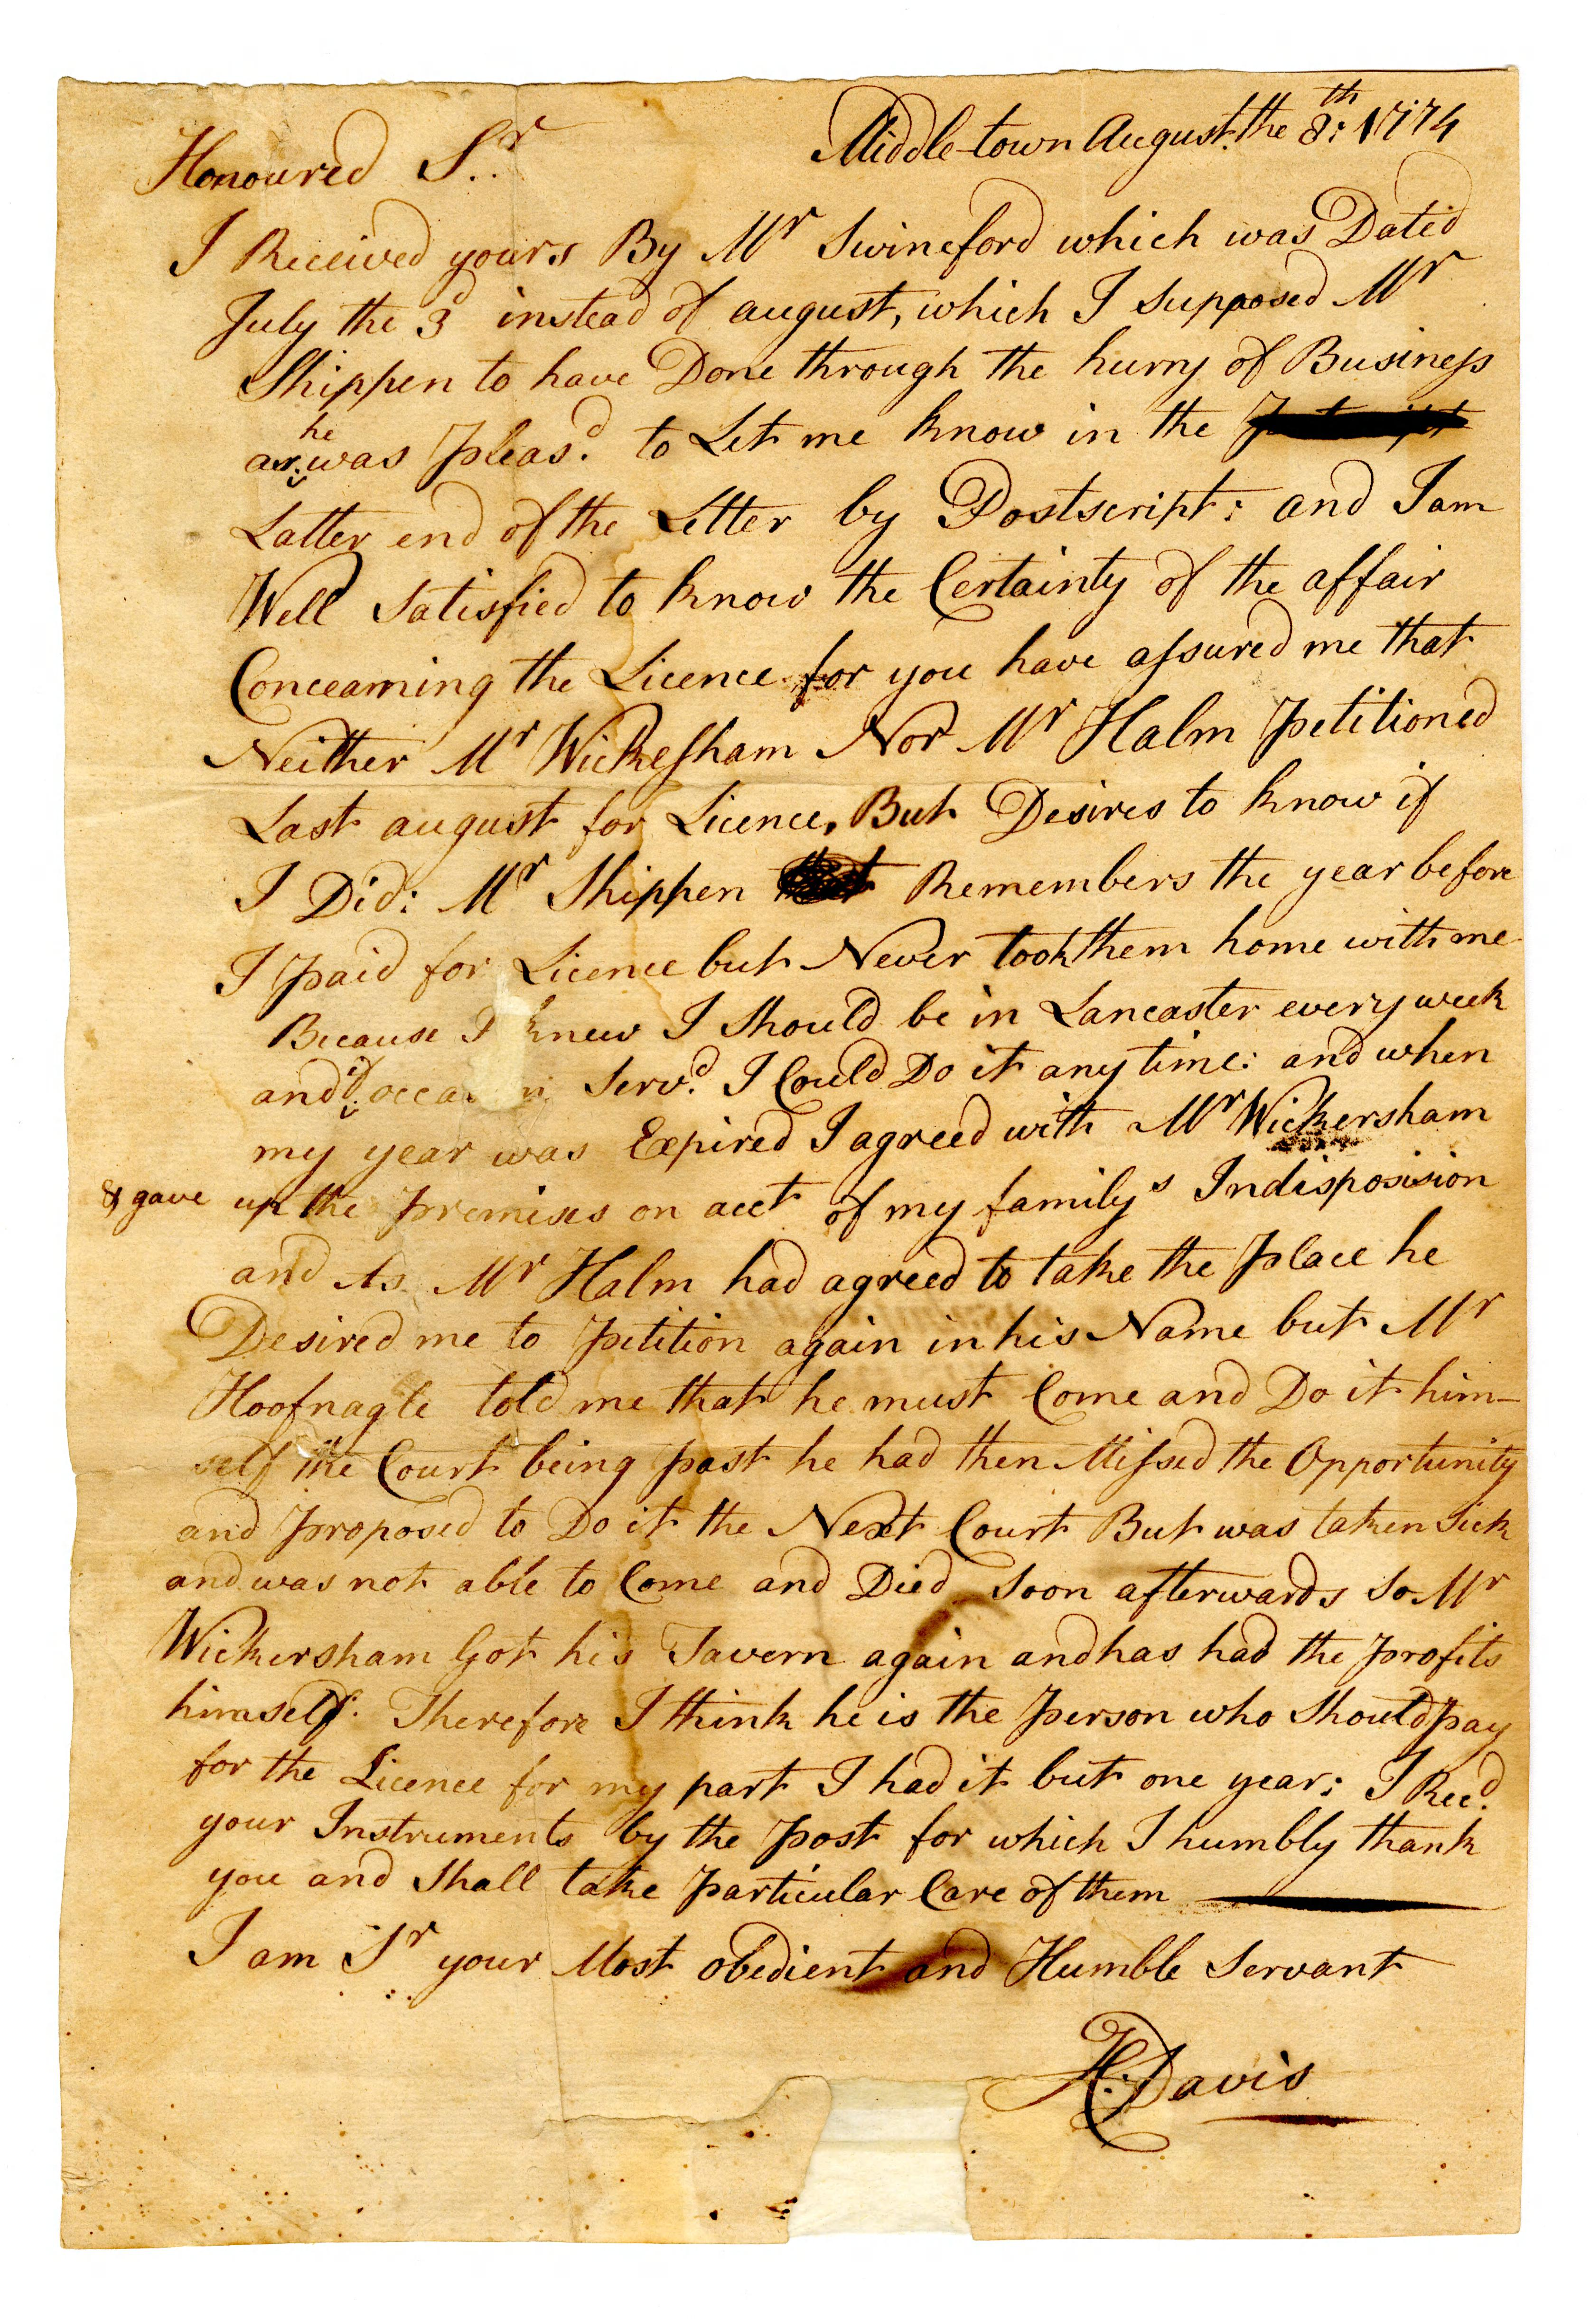Middle-town August. the 8:^th 1774
Honoured S.^r
I Received yours By M^r Swineford which was Dated
July the 3 instead of august, which I supposed M^r
Shippen to have Done through the hurry of Business
as ^he was pleas^d. to Let me know in the [______]
Latter end of the Letter by Postscript: and I am
Well Satisfied to know the Certainty of the affair
Concerning the Licence for you have assured me that
Neither M^r Wickesham Nor M^r Halm petitioned
Last august for Licence, But Desires to know if
I Did: M^r Shippen [___] Remembers the year before
I paid for Licence but Never took them home with me
Because I knew I should be in Lancaster every week
if
and ^ occasion Serv^d. I could Do it any time: and when
my year was Expired I agreed with M^r Wickersham
& gave up the premises on acc^t of my family^s Indisposision
and As M^r Halm had agreed to take the place he
Desired me to pitition again in his Name but M^r
Hoofnagle told me that he must Come and Do it him-
self the Court being past he had then Missed the Opportunity
and proposed to Do it the Next Court But was taken sick
and was not able to Come and Died soon afterwards So M^r
Wickersham Got his Tavern again and has had the profits
himself: Therefore I think he is the person who should pay
for the Licence for my part I had it but one year; I Rec^d.
your Instruments by the post for which I humbly thank
you and shall take particular Care of them-
I am S^r: your Most obedient and Humble Servant
H: Davis